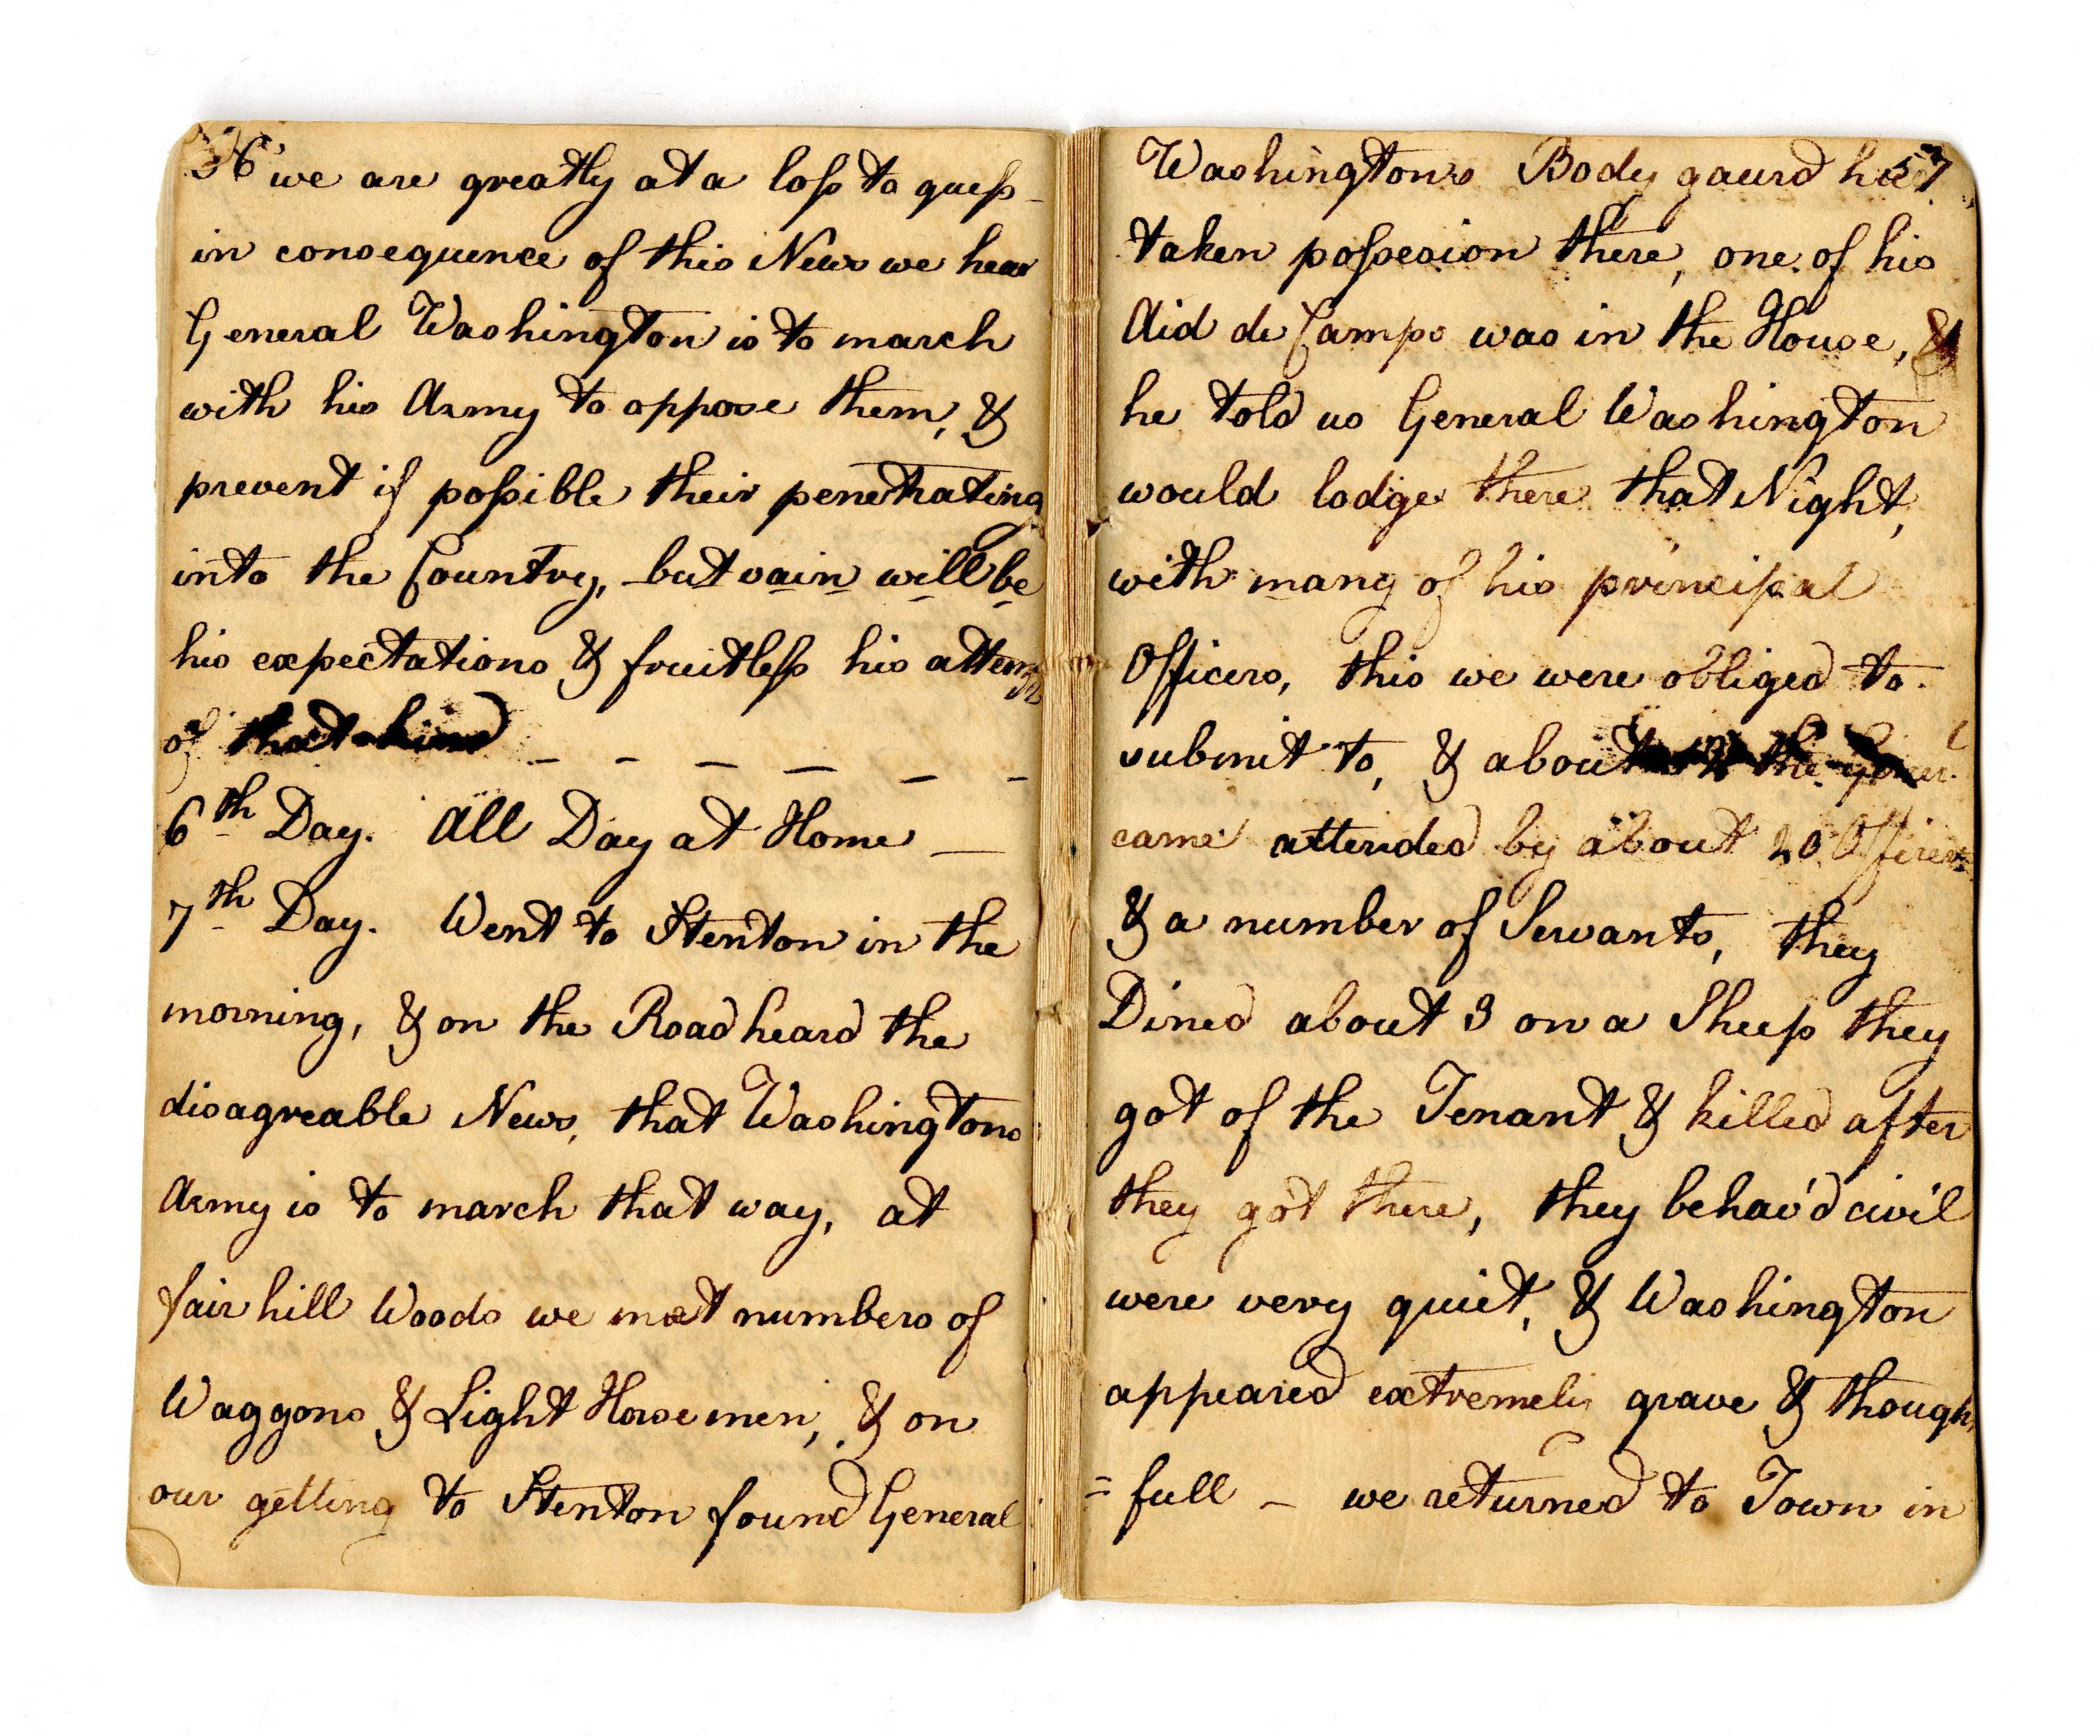56 we are greatly at a loss to quess-
in consequence of this News we hear
General Washington is to march
with his Army to oppose them, &
prevent if possible their penetrating
into the Country, but vain will be
his expectations & fruitless his atteng
of that kind
6^th Day. All day at Home-
7^th Day. Went to Stenton in the
morning, & on the Road heard the
disagreable News, that Washingtons
Army is to march that way, at
fair hill Woods we met numbers of
Waggons & Light Horse men, & on
our getting to Stenton found General
Washingtons Body gaurd had
taken possesion there, one of his
Aid de Camps was in the House, &
he told us General Washington
would lodge there that Night,
with many of his principal
Officers, this we were obliged to
submit to, & about [12 the Gener^l.]
came attended by about 40 Officers
& a number of Servants, they
Dined about 3 on a Sheep they
got of the Tenant & killed after
they got there, they behav'd civil
were very quiet, & Washington
appeared extremely grave & though
-full- we returned to Town in